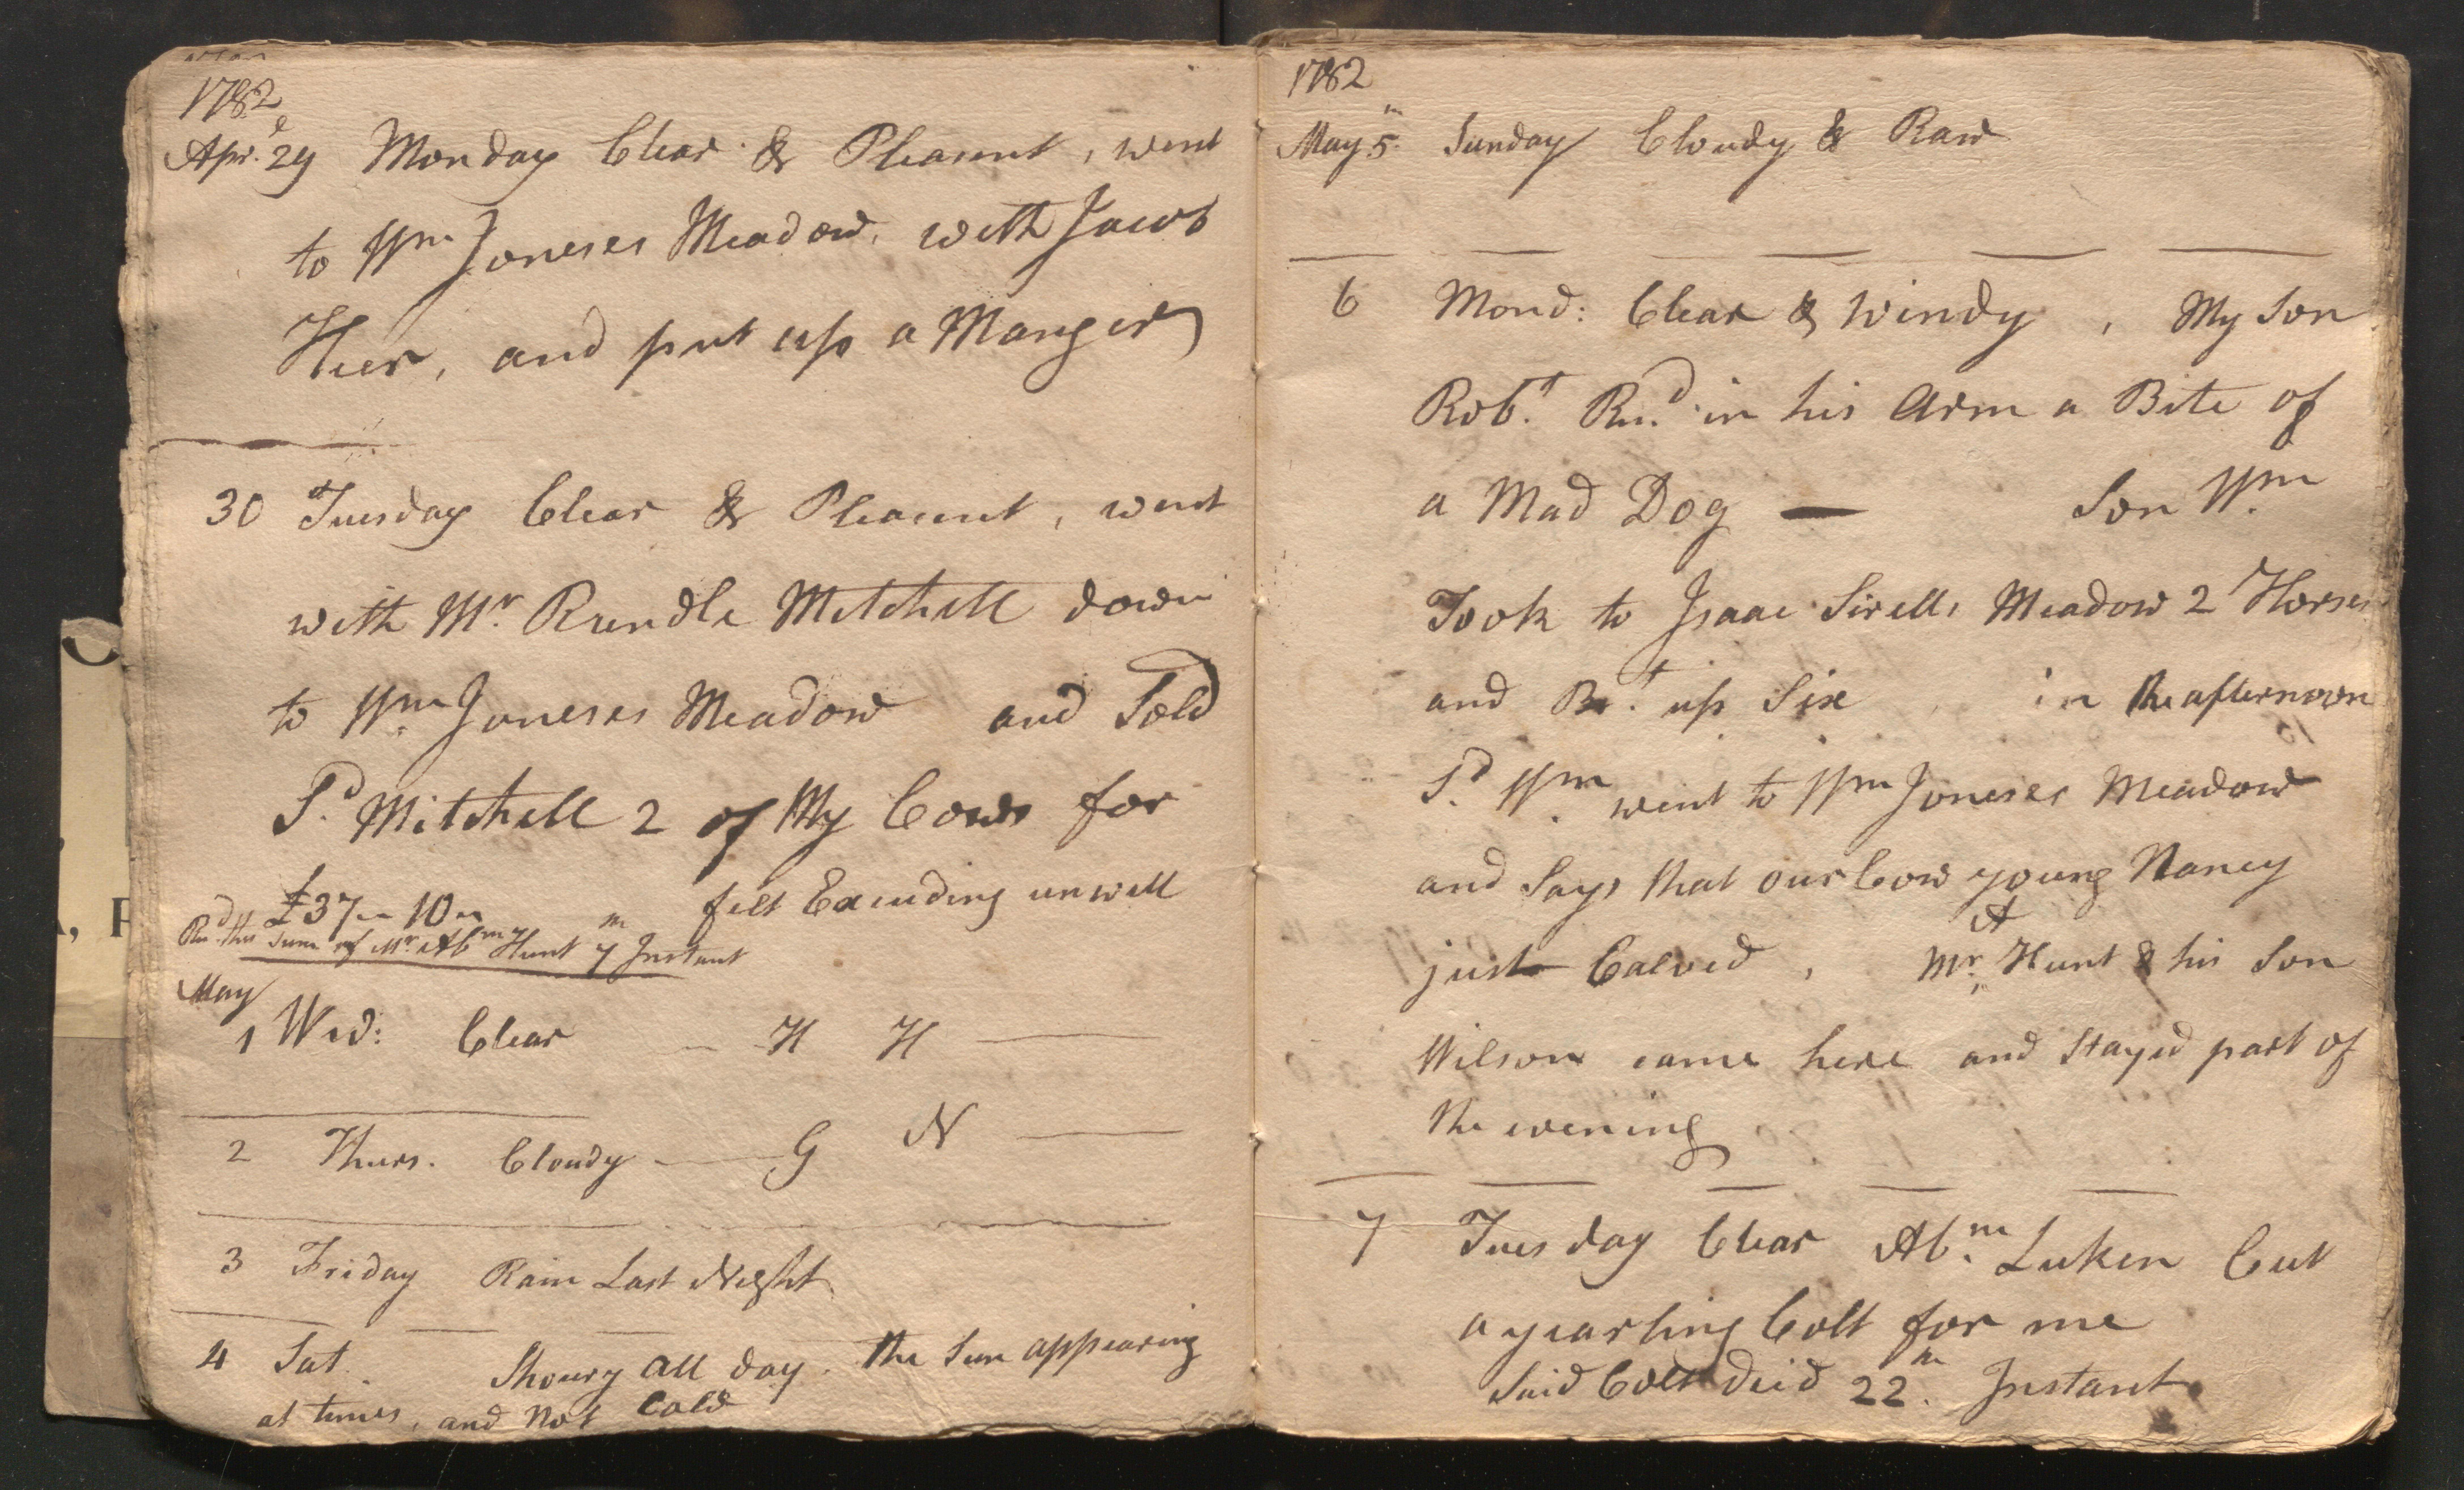1782
Apr^l. 29 Monday Clear & Pleasent, went
to W^m. Joneses Meadow, with Jacob
Heer, and put up a Manger
30 Tuesday Clear & Pleasent, went
with M^r. Rundle Mitchell down
to W^m. Joneses Meadow and sold
S^d. Mitchell 2 of My Cows for
£37.10-
felt Exceeding unwell
Rec^d. this sum of M^r Ab^m Hunt 7^th Instant
May
1 Wed. Clear N H
2 Thurs. Cloudy G N
3 Friday Rain Last Night
4 Sat. Shoury all day. the Sun appearing
at times, and not cold
1782
May 5^th Sunday Cloudy & Raw
6 Mond: Clear & Windy. My Son
Rob^t. Rec^d. in his Arm a Bite of
a Mad Dog
Son W^m.
Took to Isaac Sirells Meadow 2 Horses
and Br^t. up Six in the afternoon
s^d W^m. went to W^m Joneses Meadow
and says that our Cow young Nancy
guster Calved. M^r. Hunt & his Son
Wilson came here and stayed part of
the evening
7 Tuesday Clear Ab^m. Luken Cut
a yearling Colt for me
said Colt died 22^th Instant